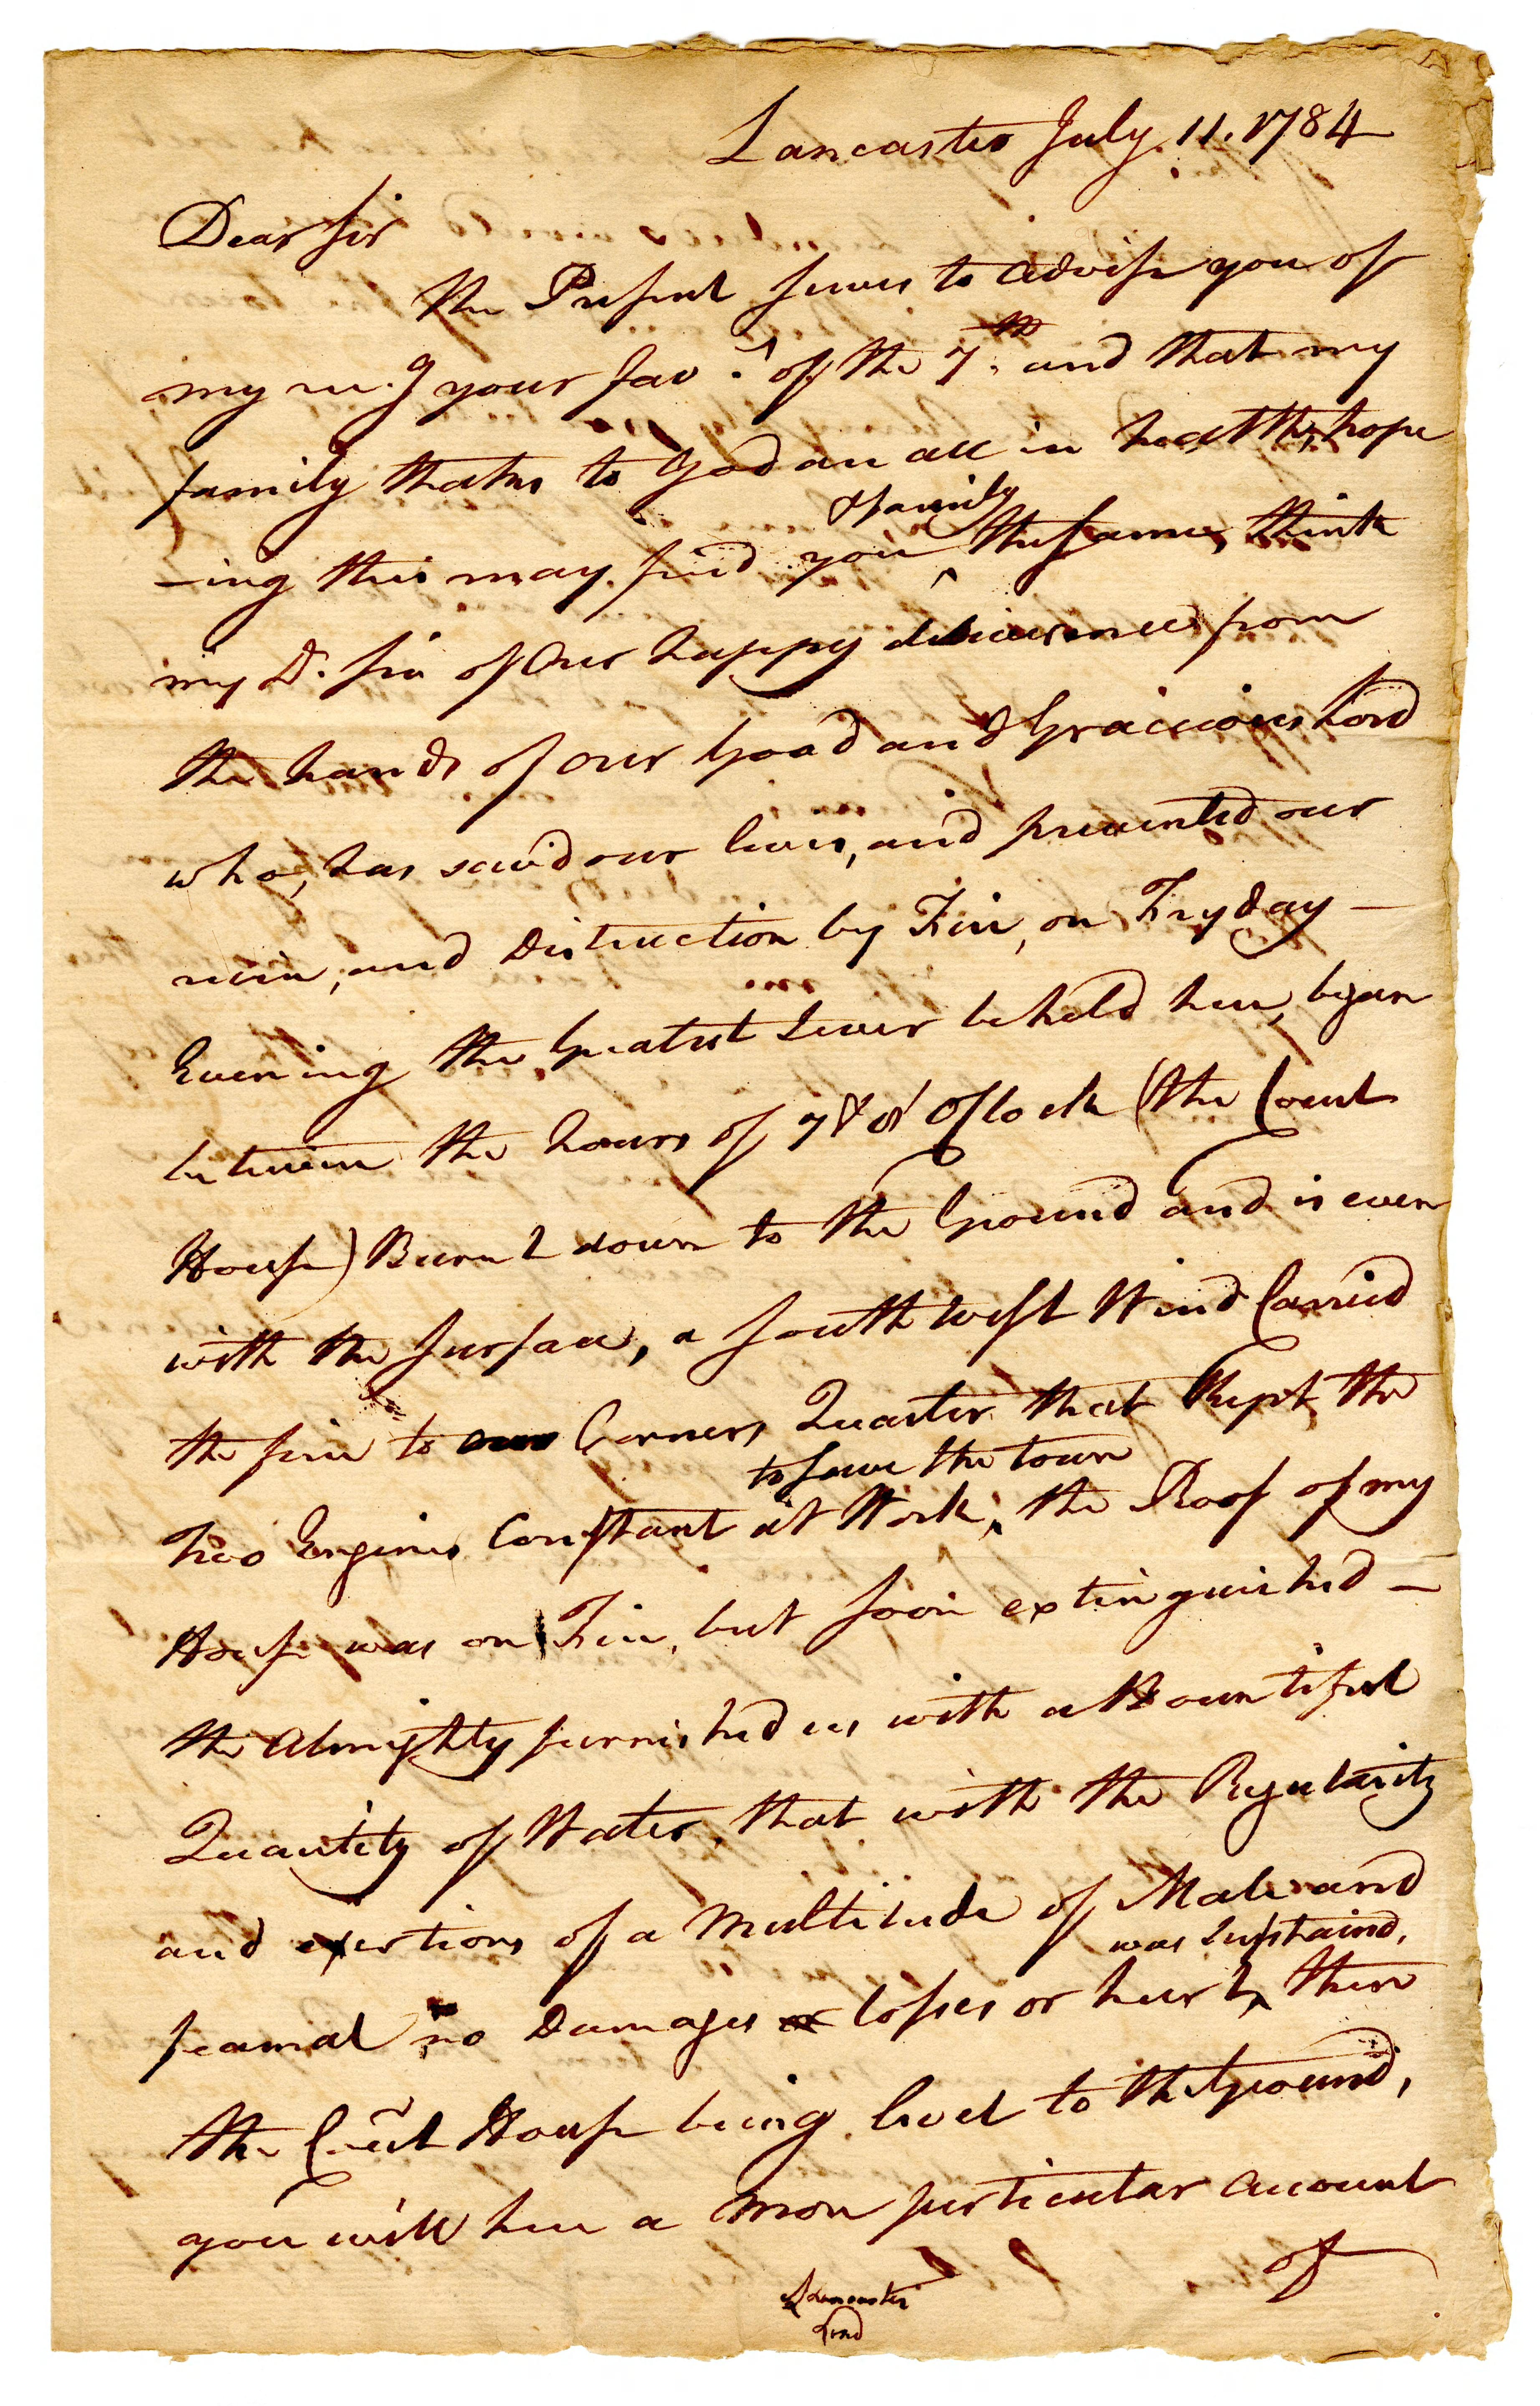Lancaster July 11. 1784
Dear Sir
The Present serves to Advise you of
my rec^g your fav^r. of the 7^th. and that my
family thanks to God are all in health the hope-
& family
-ing this may find you ^ the same think
my D. Sir of your happy difference from
the hands of our Good and Gracious Lord
who has sav'd our lives, and prevented our
ruin, and Destruction by Fire, on Fryday
Evening the greatest I ever beheld here, began
between the hours of 7 & 8 o'Clock (the Court
House) Burned down to the Ground and is even
with the surface, a south west Wind Carried
the fire to [__] Corners Quarter that kept the
to save the town
Two Engines Constant at Work ^ the Roof of my
House was on Fire, but soon extinguished-
the Almighty punished us with a Bountiful
Quantity of Water that with the Regularity
and exertion of a multitude of male and
was sustaind,
female no Damages losses or harm & then
the Court House being level to the ground,
you will here a more perticutar account
of
Lancaster
Find